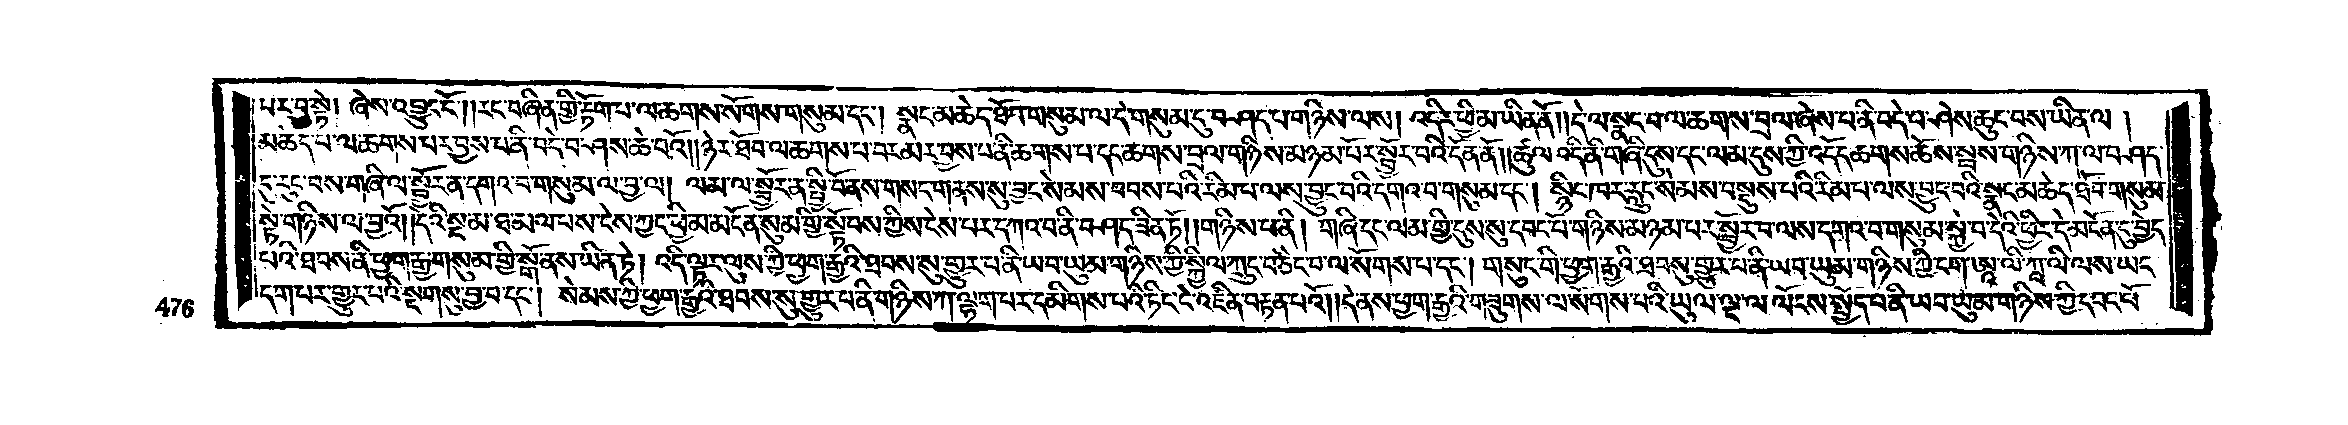པར་བྱ་སྟེ། ཞེས་འབྱུང་ངོ། །རང་བཞིན་གྱི་རྟོག་པ་ལ་ཆགས་སོགས་གསུམ་དང་། སྣང་མཆེད་ཐོབ་གསུམ་ལ་དེ་གསུམ་དུ་བཤད་པ་གཉིས་ལས། འདིར་ཕྱི་མ་ཡིན་ནོ། །དེ་ལ་སྣང་བ་ལ་ཆགས་བྲལ་ཞེས་པ་ནི་བདེ་བ་ཤས་ཆུང་བས་ཡིན་ལ།
མཆེད་པ་ལ་ཆགས་པར་བྱས་པ་ནི་བདེ་བ་ཤས་ཆེ་བའོ། །ཉེར་ཐོབ་ལ་ཆགས་པ་བར་མར་བྱས་པ་ནི་ཆགས་པ་དང་ཆགས་བྲལ་གཉིས་མཉམ་པོར་སྦྱོར་བའི་དོན་ནོ། །ཚུལ་འདི་ནི་གཞི་དུས་དང་ལམ་དུས་ཀྱི་འདོད་ཆགས་ཆོས་སྦས་གཉིས་ཀ་ལ་བཤད་
དུ་རུང་བས་གཞི་ལ་སྦྱོར་ན་དགའ་བ་གསུམ་ལ་བྱ་ལ། ལམ་ལ་སྦྱོར་ན་སྤྱི་བོ་ནས་གསང་གནས་སུ་བྱང་སེམས་བབས་པའི་རིམ་པ་ལས་བྱུང་བའི་དགའ་བ་གསུམ་དང་། སྙིང་ཁར་རླུང་སེམས་བསྡུས་པའི་རིམ་པ་ལས་བྱུང་བའི་སྣང་མཆེད་ཐོབ་གསུམ་
སྟེ་གཉིས་ལ་བྱའོ། །དེའི་སྔ་མ་ཐ་མལ་པས་ངེས་ཀྱང་ཕྱི་མ་མངོན་སུམ་གྱི་སྟོབས་ཀྱིས་ངེས་པར་དཀའ་བ་ནི་བཤད་ཟིན་ཏོ། །གཉིས་པ་ནི། གཞི་དང་ལམ་གྱི་དུས་སུ་དབང་པོ་གཉིས་མཉམ་པར་སྦྱོར་བ་ལས་དགའ་བ་གསུམ་སྐྱེ་བ་དེའི་ཕྱིར་དེ་མངོན་དུ་བྱེད་
པའི་ཐབས་ནི་ཕྱག་རྒྱ་གསུམ་གྱི་སྒོ་ནས་ཡིན་ཏེ། འདི་ལྟར་ལུས་ཀྱི་ཕྱག་རྒྱའི་ཐབས་སུ་གྱུར་པ་ནི་ཡབ་ཡུམ་གཉིས་ཀྱི་སྐྱིལ་ཀྲུང་བཅིང་བ་ལ་སོགས་པ་དང་། གསུང་གི་ཕྱག་རྒྱའི་ཐབས་སུ་གྱུར་པ་ནི་ཡབ་ཡུམ་གཉིས་ཀྱི་ངག་ཨཱ་ལི་ཀཱ་ལི་ལས་ཡང་
དག་པར་གྱུར་པའི་སྔགས་སུ་བྱ་བ་དང་། སེམས་ཀྱི་ཕྱག་རྒྱའི་ཐབས་སུ་གྱུར་པ་ནི་གཉིས་ཀ་ལྷག་པར་དམིགས་པའི་ཏིང་ངེ་འཛིན་བརྟན་པའོ། །དེ་ནས་ཕྱག་རྒྱའི་གཟུགས་ལ་སོགས་པའི་ཡུལ་ལྔ་ལ་ལོངས་སྤྱོད་པ་ནི་ཡབ་ཡུམ་གཉིས་ཀྱི་དབང་པོ་